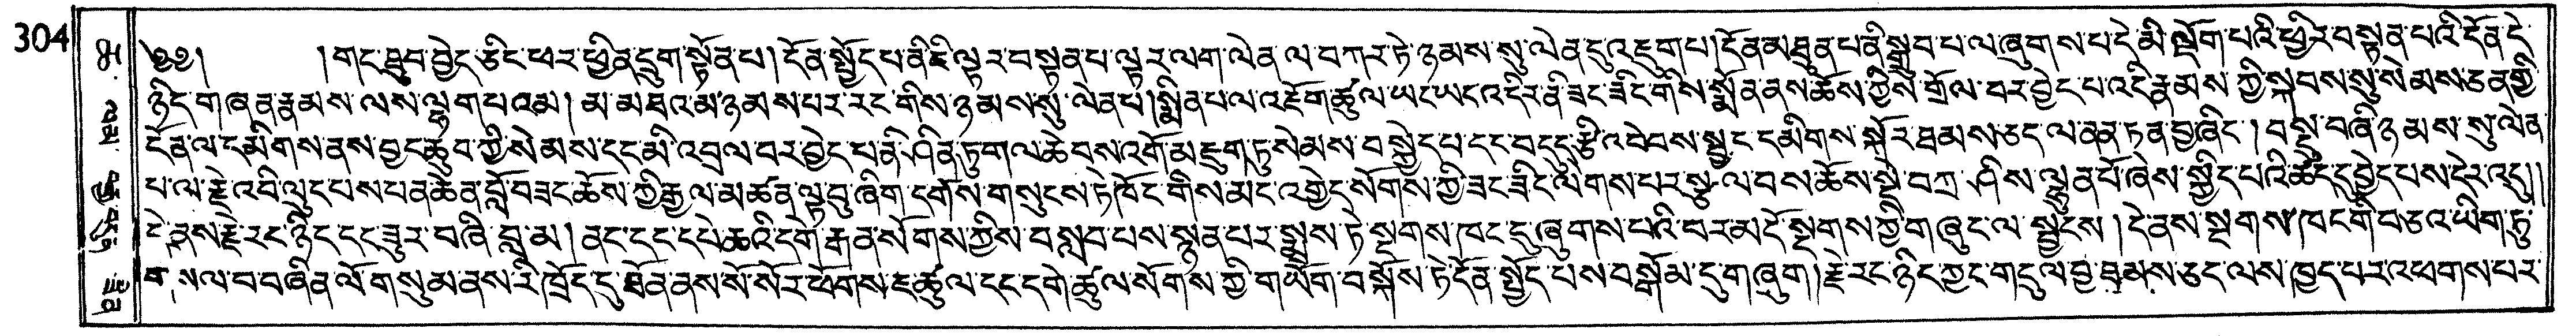༄༅། །གང་ཐུབ་བྱེད་ཅིང་ཕར་ཕྱིན་དྲུག་སྟོན་པ། དོན་སྤྱོད་པ་ནི་ཇི་ལྟར་བསྟན་པ་ལྟར་ལག་ལེན་ལ་བཀར་ཏེ་ཉམས་སུ་ལེན་དུ་འཇུག་པ། དོན་མཐུན་པ་ནི་སྒྲུབ་པ་ལ་ཞུགས་པ་དེ་མི་ལྡོག་པའི་ཕྱིར་བསྟན་པའི་དོན་དེ་
ཉིད་གཞན་རྣམས་ལས་ལྷག་པའམ། མ་མཐའ་མ་ཉམས་པར་རང་གིས་ཉམས་སུ་ལེན་པ། སྨིན་པ་ལ་འཇོག་ཚུལ་ཡང་ཡང་འདིར་ནི་ཟང་ཟིང་གིས་སྨོན་ནས་ཆོས་ཀྱིས་གྲོལ་བར་བྱེད་པ་འདི་རྣམས་ཀྱི་སྐབས་སུ་སེམས་ཅན་གྱི་
དོན་ལ་དམིགས་ནས་བྱང་ཆུབ་ཀྱི་སེམས་དང་མི་འབྲལ་བར་བྱེད་པ་ནི་ཤིན་ཏུ་གལ་ཆེ་བས་འགོ་མཇུག་ཏུ་སེམས་བསྐྱེད་པ་དང་བདུད་རྩི་འབེབས་སྦྱང་དམིགས་སྐོར་ཐམས་ཅད་ལ་ནན་ཏན་བྱ་ཞིང་། བསྡུ་བཞི་ཉམས་སུ་ལེན་
པ་ལ་རྗེ་འབི་ལུང་པས་པན་ཆེན་བློ་བཟང་ཆོས་ཀྱི་རྒྱལ་མཚན་ལྟ་བུ་ཞིག་དགོས་གསུངས་ཏེ་ཁོང་གིས་མང་འགྱེད་སོགས་ཀྱི་ཟང་ཟིང་ལེགས་པར་སྩལ་བས་ཆོས་སྡེ་བཀྲ་ཤིས་ལྷུན་པོ་ཞེས་སྐྱིད་པའི་ཚད་དུ་བྱེད་པས་དེར་འདུ། །
དེ་ནས་རྗེ་རང་ཉིད་དང་ཟུར་བཞི་བླ་མ། ནང་དང་དཔེ་ཆའི་དགེ་རྒན་སོགས་ཀྱིས་བསླབ་པས་སྙན་པར་སྨྲས་ཏེ་སྔགས་ཁང་དུ་ཞུགས་པའི་བར་མདོ་སྔགས་ཀྱི་གཞུང་ལ་སྦྱངས། དེ་ནས་སྔགས་ཁང་གི་བཅའ་ཡིག་ཏུ་
གསལ་བ་བཞིན་ལོ་གསུམ་ནས་རི་ཁྲོད་དུ་ཐོན་ནས་སོ་སོར་ཕོགས་ཇ་ཚུལ་དང་དགེ་ཚུལ་སོགས་ཀྱི་གཡོག་བསྐོས་ཏེ་དོན་སྤྱོད་པས་བསྒོམ་དུ་གཞུག། རྗེ་རང་ཉིད་ཀྱང་གདུལ་བྱ་ཐམས་ཅད་ལས་ཁྱད་པར་འཕགས་པར་